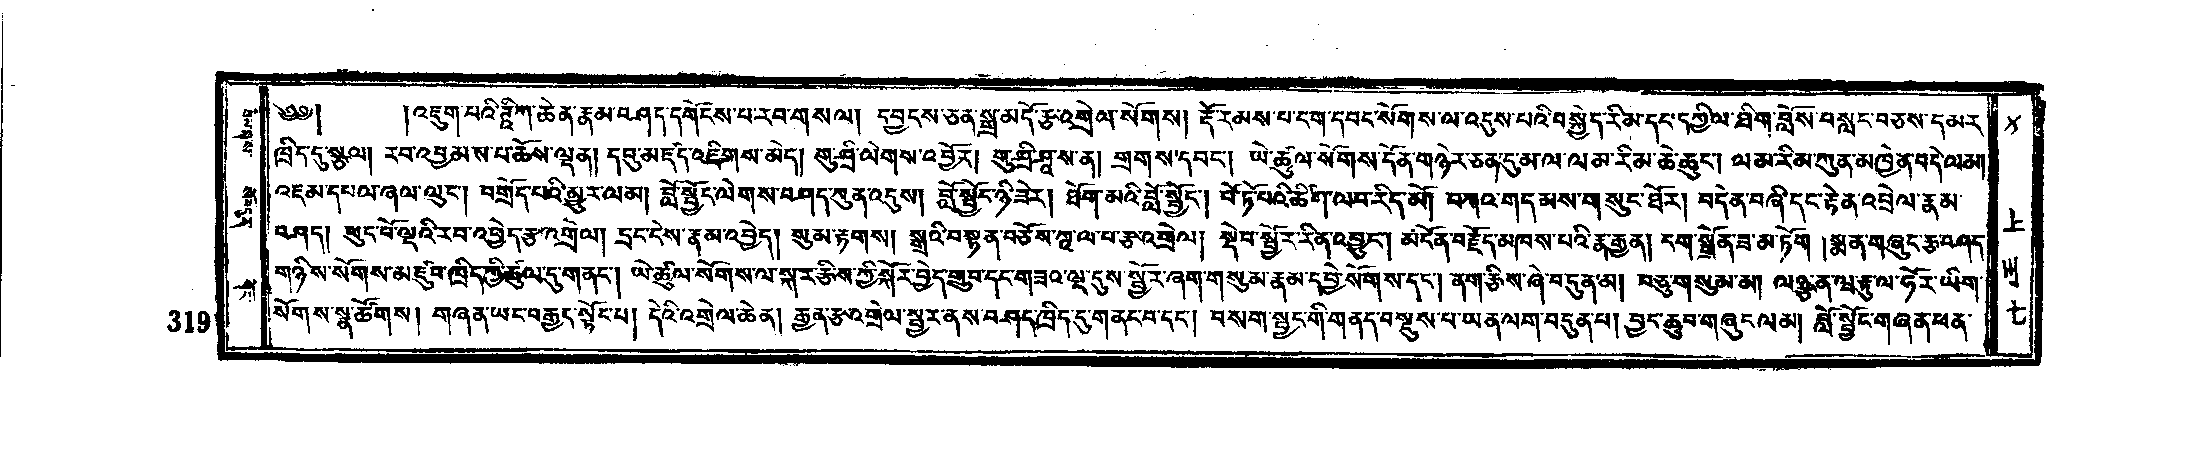༄༅། །འཇུག་པའི་ཊཱིཀ་ཆེན་རྣམ་བཤད་དགོངས་པ་རབ་གསལ། དབྱངས་ཅན་སྒྲ་མདོ་རྩ་འགྲེལ་སོགས། རྡོ་རམས་པ་ངག་དབང་སོགས་ལ་འདུས་པའི་བསྐྱེད་རིམ་དང་དཀྱིལ་ཐིག་བློས་བསླང་བཅས་དམར་
ཁྲིད་དུ་སྩལ། རབ་འབྱམས་པ་ཆོས་ལྡན། དབུ་མཛད་འཇིགས་མེད། གུ་ཤྲི་ལེགས་འབྱོར། གུ་ཤྲི་ཤཱ་ས་ན། གྲགས་དབང་། ཡེ་ཚུལ་སོགས་དོན་གཉེར་ཅན་དུ་མ་ལ་ལམ་རིམ་ཆེ་ཆུང་། ལམ་རིམ་ཀུན་མཁྱེན་བདེ་ལམ།
འཇམ་དཔལ་ཞལ་ལུང་། བགྲོད་པའི་མྱུར་ལམ། བློ་སྦྱོང་ལེགས་བཤད་ཀུན་འདུས། བློ་སྦྱོང་ཉི་ཟེར། ཐོག་མའི་བློ་སྦྱོང་། པོ་ཏོ་པའི་ཚིག་ལབ་རིད་མོ། བཀའ་གདམས་གསུང་ཐོར། བདེན་བཞི་དང་རྟེན་འབྲེལ་རྣམ་
བཤད། ཕུང་པོ་ལྔའི་རབ་འབྱེད་རྩ་འགྲེལ། དྲང་ངེས་རྣམ་འབྱེད། སུམ་རྟགས། སྒྲའི་བསྟན་བཅོས་ཀཱ་ལ་པ་རྩ་འགྲེལ། སྡེབ་སྦྱོར་རིན་འབྱུང་། མངོན་བརྗོད་མཁས་པའི་རྣ་རྒྱན། ངག་སྒྲོན་ཟ་མ་ཏོག །སྨན་གཞུང་རྩ་བཤད་
གཉིས་སོགས་མཛུབ་ཁྲིད་ཀྱི་ཚུལ་དུ་གནང་། ཡེ་ཚུལ་སོགས་ལ་སྐར་རྩིས་ཀྱི་སྐོར་བྱེད་གྲུབ་དང་གཟའ་ལྔ་དུས་སྦྱོར་ཞག་གསུམ་རྣམ་དབྱེ་སོགས་དང་། ནག་རྩིས་ཞེ་བདུན་མ། བཅུ་གསུམ་མ། ལཉྩ་ན་ཝ་རྟུ་ལ་ཧོར་ཡིག་
སོགས་སྣ་ཚོགས། གཞན་ཡང་བརྒྱད་སྟོང་པ། དེའི་འགྲེལ་ཆེན། རྒྱན་རྩ་འགྲེལ་སྦྱར་ནས་བཤད་ཁྲིད་དུ་གནང་བ་དང་། བསག་སྦྱང་གི་གནད་བསྡུས་པ་ཡན་ལག་བདུན་པ། བྱང་ཆུབ་གཞུང་ལམ། བློ་སྦྱོང་གཞན་ཕན་